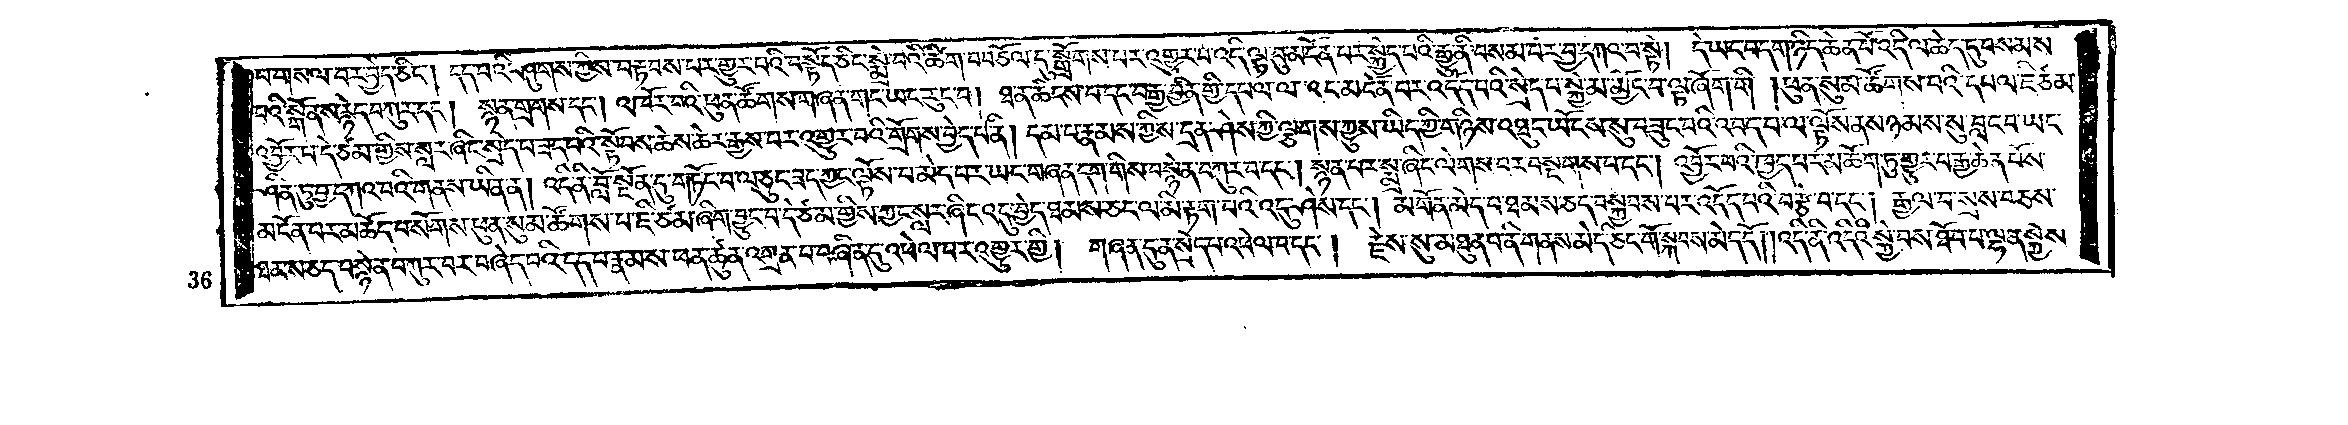པ་གསལ་བར་བྱེད་ཅིང་། དད་པའི་ཤུགས་ཀྱིས་བརྟབས་པར་གྱུར་བའི་བསྟོད་ཅིང་སྨྲེ་བའི་ཚིག་བབ་ཅོལ་དུ་སྒྲོགས་པར་འགྱུར་པ་འདི་ལྟ་བུ་མངོན་པར་སྐྱེད་པའི་རྒྱུ་ནི་བསམ་པར་བྱ་དཀའ་བ་སྟེ། དེ་ཡང་བདག་ཉིད་ཆེན་པོ་འདི་ལ་ཆེད་དུ་བསམས་
པའི་སྒོ་ནས་རྙེད་བཀུར་དང་། སྙན་གྲགས་དང་། འཁོར་བའི་ཕུན་ཚོགས་གཞན་གང་ཡང་རུང་བ། ཐ་ན་ཚངས་པ་དང་བརྒྱ་བྱིན་གྱི་དཔལ་ལ་འང་མངོན་པར་འདོད་པའི་སྲེད་པ་སྐྱེ་མ་མྱོང་བ་ལྟ་ཞོག་གི །ཕུན་སུམ་ཚོགས་པའི་དཔལ་ཇི་ཙམ་
འབྱོར་བ་དེ་ཙམ་གྱིས་སླར་ཞིང་སྲེད་པ་ཟད་པའི་སྟོབས་ཆེས་ཆེར་རྒྱས་པར་འགྱུར་བའི་གྲོགས་བྱེད་པ་ནི། དམ་པ་རྣམས་ཀྱིས་དྲན་ཤེས་ཀྱི་ལྕགས་ཀྱུས་ཡིད་ཀྱི་གཉིས་འཐུང་ཡོངས་སུ་བཟུང་བའི་འབད་པ་ལ་ལྟོས་ནས་ཉམས་སུ་བླང་བ་ཡང་
ཤིན་ཏུ་བྱ་དཀའ་བའི་གནས་ཡིན་ན། འདི་ནི་བློ་སྔོན་དུ་གཏོང་བ་ལ་ཅུང་ཟད་ཀྱང་ལྟོས་པ་མེད་པར་ཡང་གཞན་དག་གིས་བསྙེན་བཀུར་བ་དང་། སྙན་པར་སྨྲ་ཞིང་ལེགས་པར་བསྔགས་པ་དང་། འབྱོར་བའི་ཁྱད་པར་མཆོག་ཏུ་གྱུར་པ་རྒྱ་ཆེན་པོས་
མངོན་པར་མཆོད་པ་སོགས་ཕུན་སུམ་ཚོགས་པ་ཇི་ཙམ་ཞིག་བྱུང་བ་དེ་ཙམ་གྱིས་ཀྱང་སླར་ཞིང་འདུ་བྱེད་ཐམས་ཅད་ལ་མི་རྟག་པའི་འདུ་ཤེས་དང་། མགོན་མེད་པ་ཐམས་ཅད་བསྐྱབས་པར་འདོད་པའི་བརྩེ་བ་དང་། རྒྱལ་བ་སྲས་བཅས་
ཐམས་ཅད་བསྙེན་བཀུར་བར་བཞེད་པའི་དད་པ་རྣམས་ཕན་ཚུན་འགྲན་པ་བཞིན་དུ་འཕེལ་བར་འགྱུར་གྱི། གཞན་དུ་ན་སྲེད་པ་འཕེལ་བ་དང་། རྗེས་སུ་མཐུན་པ་ནི་གནས་མེད་ཅིང་གོ་སྐབས་མེད་དོ། །འདི་ནི་འདིའི་སྐྱེ་བས་ཐོབ་པ་ལྷན་སྐྱེས་